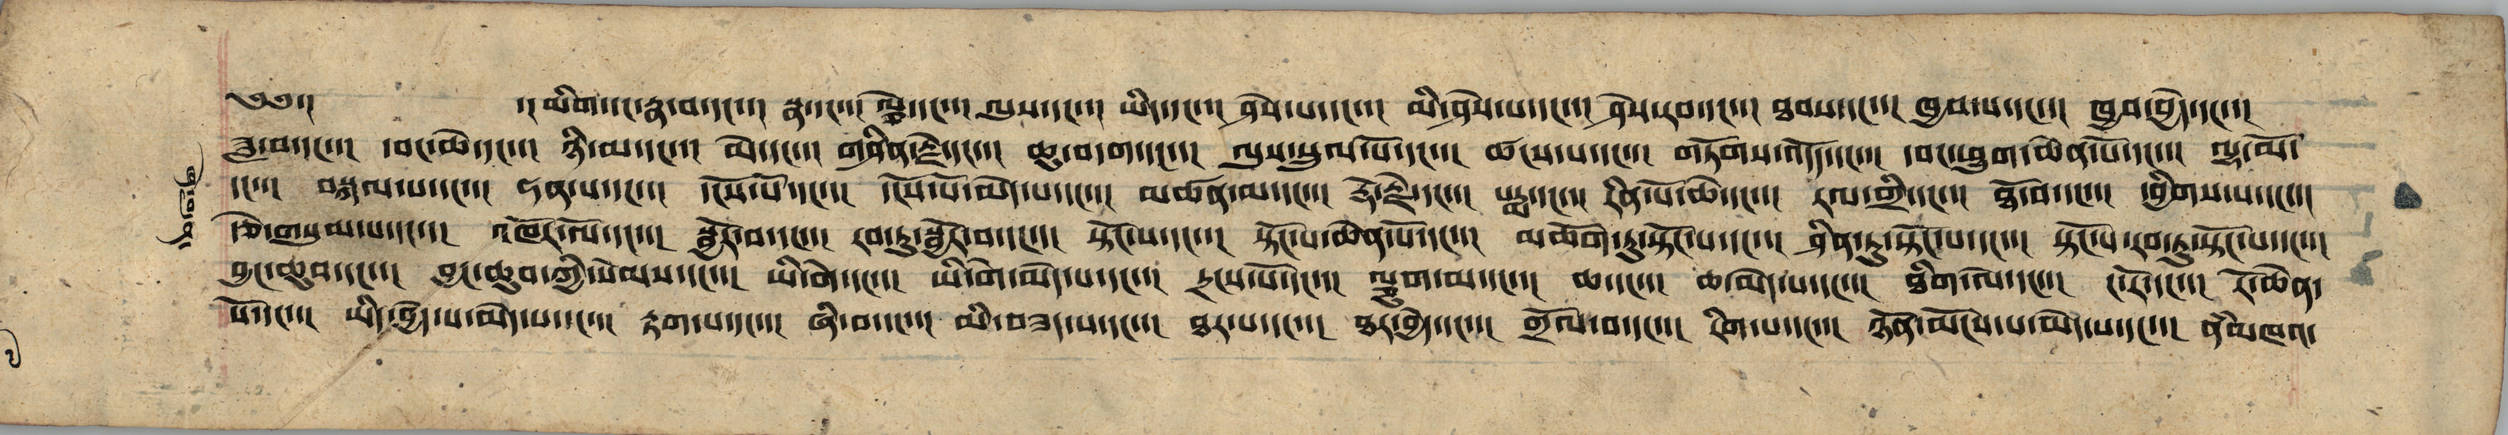༄༅་། ་། མིག་དང་རྣ་བ་དང་་། སྣ་དང་་། ལྕེ་དང་་། ལུས་དང་་། ཡིད་དང་་། ཤེས་པ་དང་་། མི་ཤེས་པ་དང་་། ཤེས་རབ་དང་་། ཐབས་དང་་། ཁྱབ་པ་དང་་། ཁྱབ་བྱེད་དང་་།
ཟླ་བ་དང་་། དབང་ཆེ་དང་་། ཉིི་མ་དང་་། མེ་དང་་། གཤིན་རྗེ་དང་་། ཆུ་བདག་དང་་། ལུས་སྲུལ་པོ་དང་་། ཚངས་པ་དང་་། གཏོགས་འདོད་དང་་། དབང་ཕྱུག་ཆེན་པོ་དང་་། ལྷ་མོ་
དང་་། བསྐལ་པ་དང་་། ཧན་པ་དང་་། དངོས་པོ་དང་་།། དངོས་པོ་མེད་པ་དང་་། མཚན་མ་དང་་། རྡོ་རྗེ་དང་་། པདྨ་དང་་། རིན་པོ་ཆེ་དང་་། རལ་གྲི་དང་་།། ཐོ་བ་དང་་། དབྱིགས་པ་དང་་།
རྩེ་གསུམ་པ་དང་་། འཁོར་ལོ་དང་་། སྦྱོར་བ་དང་་། རབ་ཏུ་སྦྱོར་བ་དང་་། སྟོང་པ་དང་་། སྟོང་པ་ཆེན་པོ་དང་་། མཆོག་ཏུ་སྟོང་པ་དང་། ཤིན་ཏུ་སྟོང་པ་དང་་། སྟོང་པ་རབ་ཏུ་སྟོང་པ་དང་་།
བྱང་ཆུབ་དང་་། བྱང་ཆུབ་ཀྱི་སེམས་དང་་། ཡི་གེ་དང་་། ཡི་གེ་མེད་པ་དང་་། དྲངས་པོ་དང་་། ལྕུག་མ་དང་་། ཆ་དང་་། ཆ་མེད་པ་དང་་། ཐིག་ལེ་དང་་། ང་རོ་དང་་། རོ་ཆེན་
སོ་དང་་། ཡིད་བྱེད་པ་མེད་པ་དང་་། རྟག་པ་དང་་། ཞི་བ་དང་་། མི་བཟད་པ་དང་་། ཐར་པ་དང་་། ཐར་བྱེད་དང་་། གྲོལ་བ་དང་་། རིག་པ་དང་་། ཉོན་མོངས་པ་མེད་པ་དང་་། ནཾམཁའ་